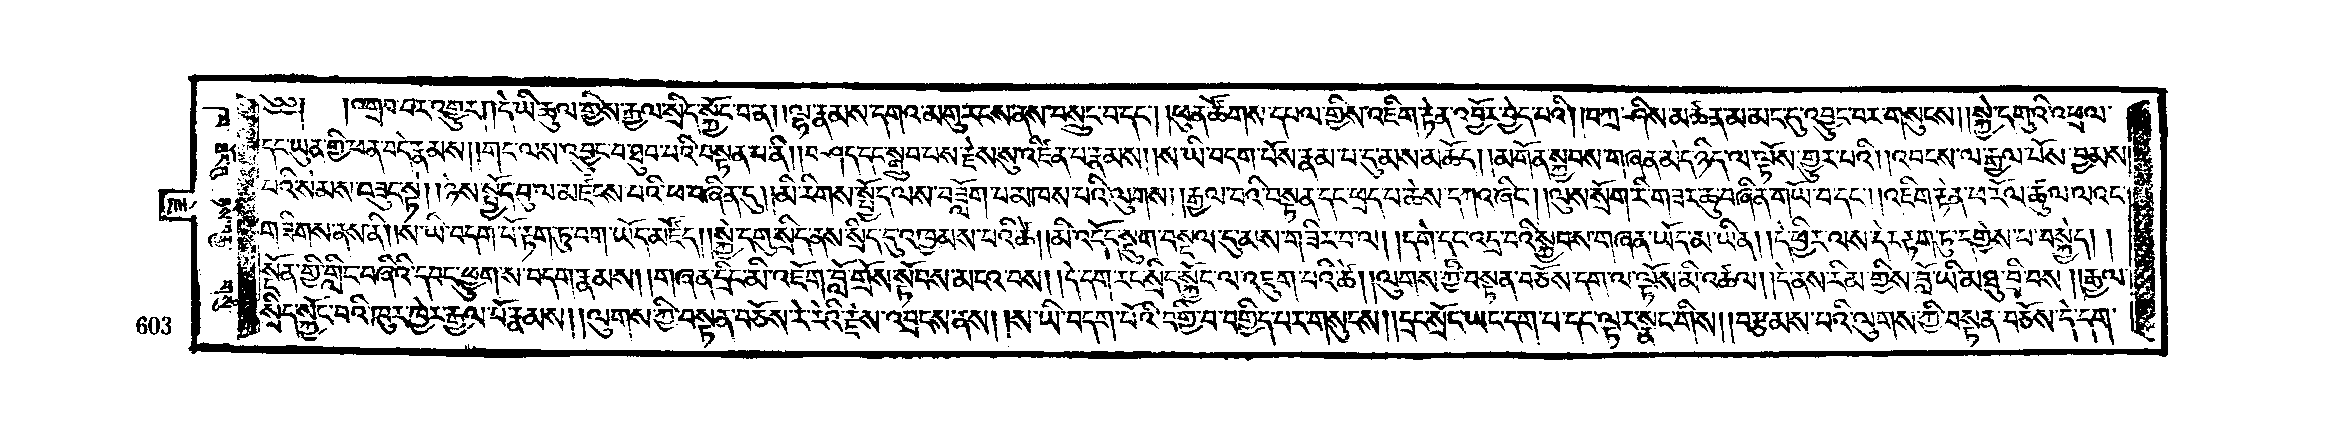༄༅། །འགྲུབ་པར་འགྱུར། །དེ་ཡི་ཚུལ་གྱིས་རྒྱལ་སྲིད་སྐྱོང་བ་ན། །ལྷ་རྣམས་དགའ་མགུ་རངས་ནས་བསྲུང་བ་དང་། །ཕུན་ཚོགས་དཔལ་གྱིས་འཇིག་རྟེན་འབྱོར་བྱེད་པའི། །བཀྲ་ཤིས་མཚན་མ་མང་དུ་འབྱུང་བར་གསུངས། །སྐྱེ་དགུའི་འཕྲལ་
དང་ཡུན་གྱི་ཕན་བདེ་རྣམས། །གང་ལས་འབྱུང་བ་ཐུབ་པའི་བསྟན་པ་ནི། །བཤད་དང་སྒྲུབ་པས་རྗེས་སུ་འཛིན་པ་རྣམས། །ས་ཡི་བདག་པོས་རྣམ་པ་དུ་མས་མཆོད། །མགོན་སྐྱབས་གཞན་མེད་ཉིད་ལ་ལྟོས་གྱུར་པའི། །འབངས་ལ་རྒྱལ་པོས་བྱམས་
པའི་སེམས་བཟུང་སྟེ། །ཉེས་སྤྱོད་བུ་ལ་མཛངས་པའི་ཕ་བཞིན་དུ། །མི་རིགས་སྤྱོད་ལས་བཟློག་པ་མཁས་པའི་ལུགས། །རྒྱལ་བའི་བསྟན་དང་ཕྲད་པ་ཆེས་དཀའ་ཞིང་། །ལུས་སྲོག་རི་གཟར་ཆུ་བཞིན་གཡོ་བ་དང་། །འཇིག་རྟེན་ཕ་རོལ་ཚུལ་ལའང་
གཟིགས་ནས་ནི། །ས་ཡི་བདག་པོ་རྟག་ཏུ་བག་ཡོད་མཛོད། །སྐྱེ་དགུ་སྲིད་ནས་སྲིད་དུ་འཁྱམས་པའི་ཚེ། །མི་འདོད་སྡུག་བསྔལ་དུ་མས་གཟིར་བ་ལ། །དགེ་དང་འདྲ་བའི་སྐྱབས་གཞན་ཡོད་མ་ཡིན། །དེ་ཕྱིར་ལས་དེར་རྟག་ཏུ་དགྱེས་པ་བསྐྱེད། །
སྔོན་གྱི་གླིང་བཞིའི་དབང་ཕྱུགས་བདག་རྣམས། །གཞན་དྲིང་མི་འཇོག་བློ་གྲོས་སྟོབས་མངའ་བས། །དེ་དག་རང་སྲིད་སྐྱོང་ལ་འཇུག་པའི་ཚེ། །ལུགས་ཀྱི་བསྟན་བཅོས་དག་ལ་ལྟོས་མི་འཚལ། །དེ་ནས་རིམ་གྱིས་བློ་ཡི་མཐུ་བྲི་བས། །རྒྱལ་
སྲིད་སྐྱོང་བའི་ཁུར་ཁྱེར་རྒྱལ་པོ་རྣམས། །ལུགས་ཀྱི་བསྟན་བཅོས་རེ་རེའི་རྗེས་འབྲངས་ནས། །ས་ཡི་བདག་པོའི་བགྱི་བ་བགྱིད་པར་གསུངས། །དྲང་སྲོང་ཡང་དག་པ་དང་ལྟར་སྣང་གིས། །བརྩམས་པའི་ལུགས་ཀྱི་བསྟན་བཅོས་དེ་དག་